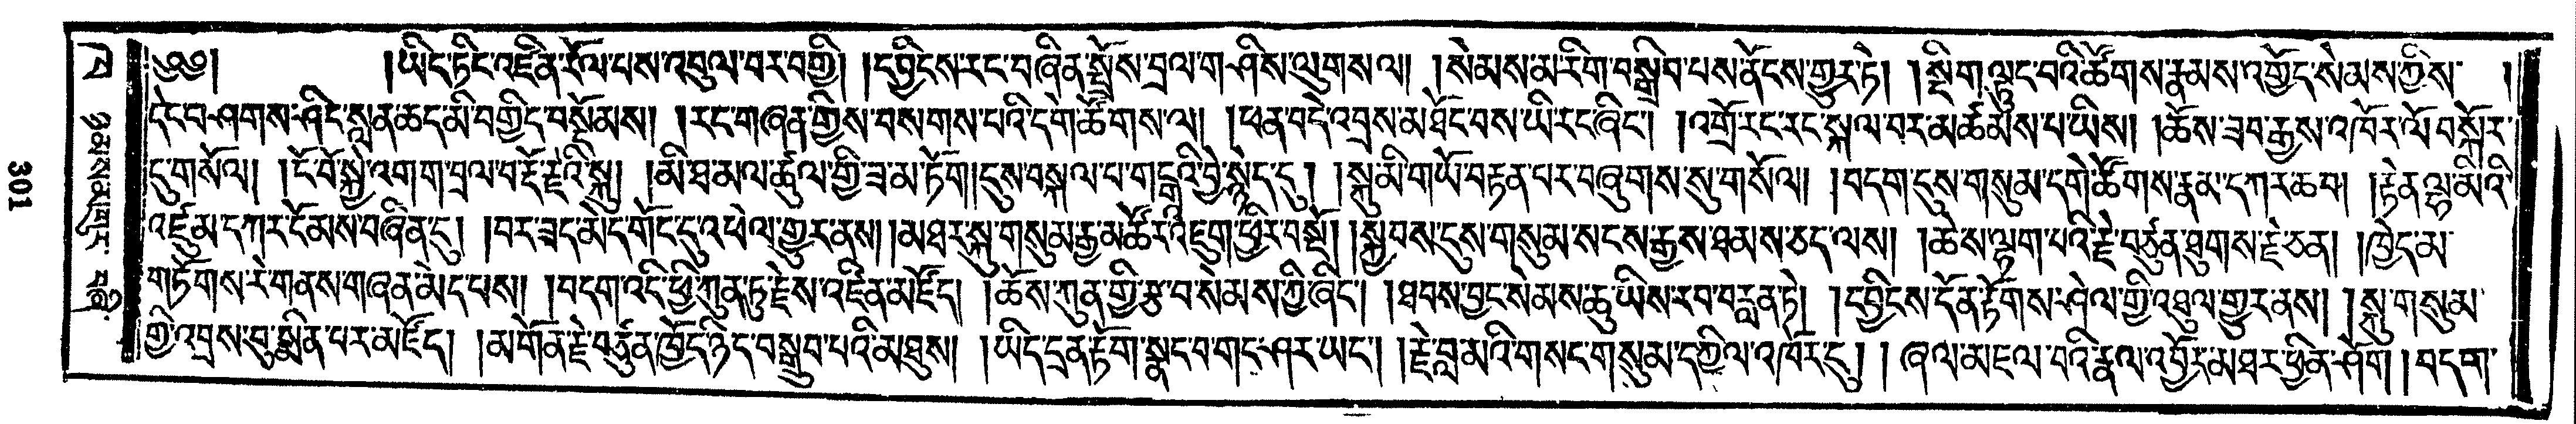༄༅། །ཡིད་ཏིང་འཛིན་རོལ་པས་འབུལ་བར་བགྱི། །དབྱིངས་རང་བཞིན་སྤྲོས་བྲལ་གཤིས་ལུགས་ལ། །སེམས་མ་རིག་བསྒྲིབ་པས་ནོངས་གྱུར་ཏེ། །སྡིག་ལྟུང་བའི་ཚོགས་རྣམས་འགྱོད་སེམས་ཀྱིས་
དེང་བཤགས་ཤིང་སླན་ཆད་མི་བགྱིད་བསྡོམས། །རང་གཞན་གྱིས་བསགས་པའི་དགེ་ཚོགས་ལ། །ཕན་བདེ་འབྲས་མཐོང་བས་ཡི་རང་ཞིང་། །འགྲོ་རང་རང་སྐལ་བར་མཚམས་པ་ཡིས། །ཆོས་ཟབ་རྒྱས་འཁོར་ལོ་བསྐོར་
དུ་གསོལ། །ངོ་བོ་སྐྱེ་འགག་བྲལ་བ་རྡོ་རྗེའི་སྐུ། །མི་ཐ་མལ་ཚུལ་གྱི་ཟ་མ་ཏོག །དུས་བསྐལ་པ་གངྒཱའི་བྱེ་སྙེད་དུ། །སྐུ་མི་གཡོ་བརྟན་པར་བཞུགས་སུ་གསོལ། །བདག་དུས་གསུམ་དགེ་ཚོགས་རྣམ་དཀར་ཆབ། །རྟེན་ལྷ་མིའི་
འཛུམ་དཀར་ངོམས་བཞིན་དུ། །བར་ཟད་མེད་གོང་དུ་འཕེལ་གྱུར་ནས། །མཐར་སྐུ་གསུམ་རྒྱ་མཚོར་འཇུག་ཕྱིར་བསྔོ། །སྐྱབས་དུས་གསུམ་སངས་རྒྱས་ཐམས་ཅད་ལས། །ཆེ་ས་ལྷག་པའི་རྗེ་བཙུན་ཐུགས་རྗེ་ཅན། །ཁྱེད་མ་
གཏོགས་རེ་གནས་གཞན་མེད་པས། །བདག་འདི་ཕྱི་ཀུན་ཏུ་རྗེས་འཛིན་མཛོད། །ཆོས་ཀུན་གྱི་རྩ་བ་སེམས་ཀྱི་ཞིང་། །ཐབས་བྱང་སེམས་ཆུ་ཡིས་རབ་བརླན་ཏེ། །དབྱིངས་དོན་རྟོགས་ཤེལ་གྱི་འཐུལ་གྱུར་ནས། །སྐུ་གསུམ་
གྱི་འབྲས་བུ་སྨིན་པར་མཛོད། །མགོན་རྗེ་བཙུན་ཁྱོད་ཉིད་བསྒྲུབ་པའི་མཐུས། །ཡིད་དྲན་རྟོག་སྣང་བ་གང་ཤར་ཡང་། །རྗེ་བླ་མའི་གསང་གསུམ་དཀྱིལ་འཁོར་དུ། །ཞལ་མཇལ་བའི་རྣལ་འབྱོར་མཐར་ཕྱིན་ཤོག །བདག་